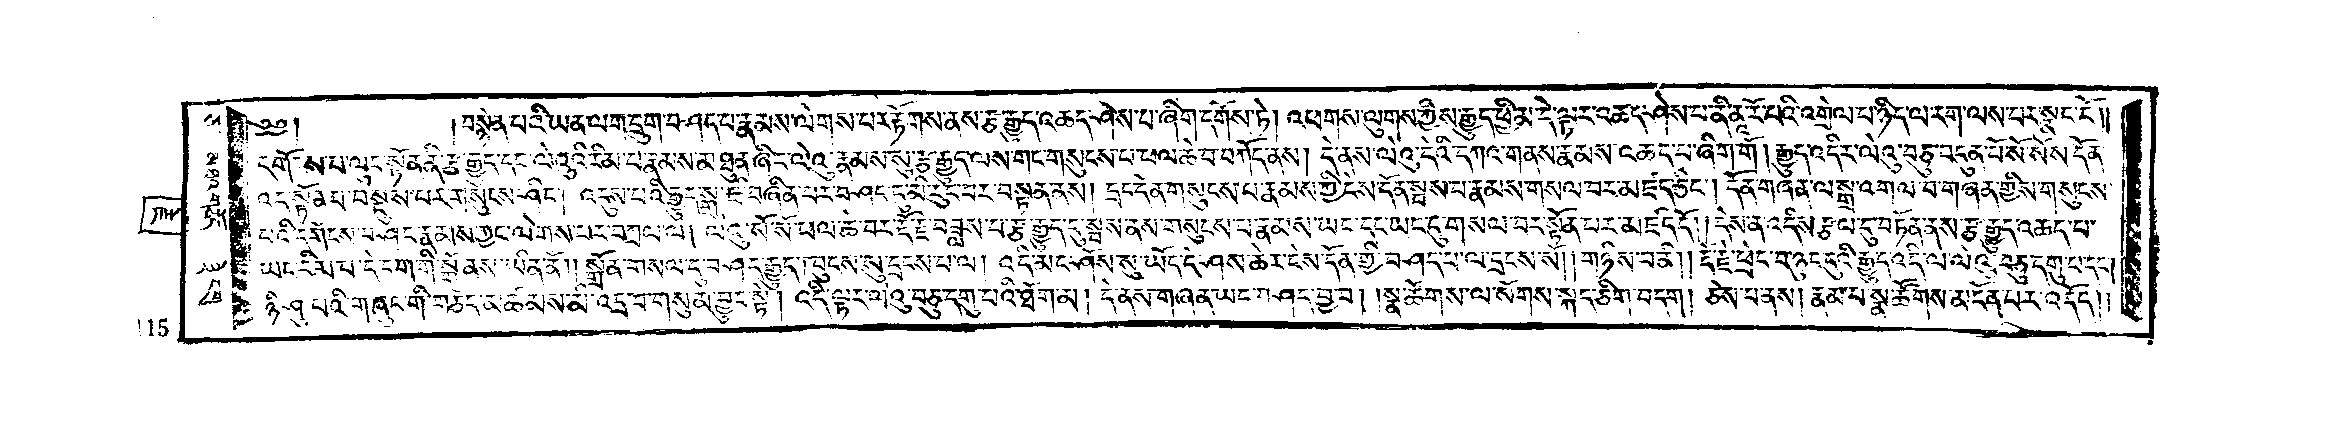༄༅། །བསྙེན་པའི་ཡན་ལག་དྲུག་བཤད་པ་རྣམས་ལེགས་པར་རྟོགས་ནས་རྩ་རྒྱུད་འཆད་ཤེས་པ་ཞིག་དགོས་ཏེ། འཕགས་ལུགས་ཀྱིས་རྒྱུད་ཕྱི་མ་དེ་ལྟར་འཆད་ཤེས་པ་ནི་ནཱ་རོ་པའི་འགྲེལ་པ་ཉིད་ལ་རག་ལས་པར་སྣང་ངོ། །
དགོངས་པ་ལུང་སྟོན་ནི་རྩ་རྒྱུད་དང་ལེའུའི་རིམ་པ་རྣམས་མཐུན་ཞིང་ལེའུ་རྣམས་སུ་རྩ་རྒྱུད་ལས་གང་གསུངས་པ་ཕལ་ཆེ་བ་བཀོད་ནས། དེ་ནས་ལེའུ་དེའི་དཀའ་གནས་རྣམས་འཆད་པ་ཞིག་གོ །རྒྱུད་འདིར་ལེའུ་བཅུ་བདུན་པོ་སོ་སོས་དོན་
འདི་སྟོན་པ་བསྡུས་པར་གསུངས་ཤིང་། འདུས་པའི་རྒྱུད་སྒྲ་ཇི་བཞིན་པར་བཤད་དུ་མི་རུང་བར་བསྟན་ནས། དྲང་དོན་གསུངས་པ་རྣམས་ཀྱི་ངེས་དོན་སྦས་པ་རྣམས་གསལ་བར་མཛད་ཅིང་། དོན་གཞན་ལ་སྒྲ་འགལ་བ་གཞན་གྱིས་གསུངས་
པའི་དགོངས་བཤད་རྣམས་ཀྱང་ལེགས་པར་བཀྲལ་ལ། ལེའུ་སོ་སོ་ཕལ་ཆེ་བར་རྡོ་རྗེ་བཟླས་པ་རྩ་རྒྱུད་དུ་སྦས་ནས་གསུངས་པ་རྣམས་ཡང་དང་ཡང་དུ་གསལ་བར་སྟོན་པར་མཛད་དོ། །དེས་ན་འདིས་རྩལ་དུ་བཏོན་ནས་རྩ་རྒྱུད་འཆད་པ་
ཡང་རིམ་པ་དེ་དག་གི་སྒོ་ནས་ཡིན་ནོ། །སྒྲོན་གསལ་དུ་བཤད་རྒྱུད་ཁུངས་སུ་དྲངས་པ་ལ། འདི་མང་ཤོས་སུ་ཡོད་དེ་ཤས་ཆེར་ངེས་དོན་གྱི་བཤད་པ་ལ་དྲངས་སོ། །གཉིས་པ་ནི། །རྡོ་རྗེ་ཕྲེང་བ་ཉུང་ངུའི་རྒྱུད་འདི་ལ་ལེའུ་བཅུ་དགུ་པ་དང་།
ཉི་ཤུ་པའི་གཞུང་གི་གཅོད་མཚམས་མི་འདྲ་བ་གསུམ་བྱུང་སྟེ། འདི་ལྟར་ལེའུ་བཅུ་དགུ་པའི་ཐོག་མ། དེ་ནས་གཞན་ཡང་བཤད་བྱ་བ། །སྣ་ཚོགས་ལ་སོགས་སྐད་ཅིག་བདག །ཅེས་པ་ནས། རྣམ་པ་སྣ་ཚོགས་མངོན་པར་འདོད། །